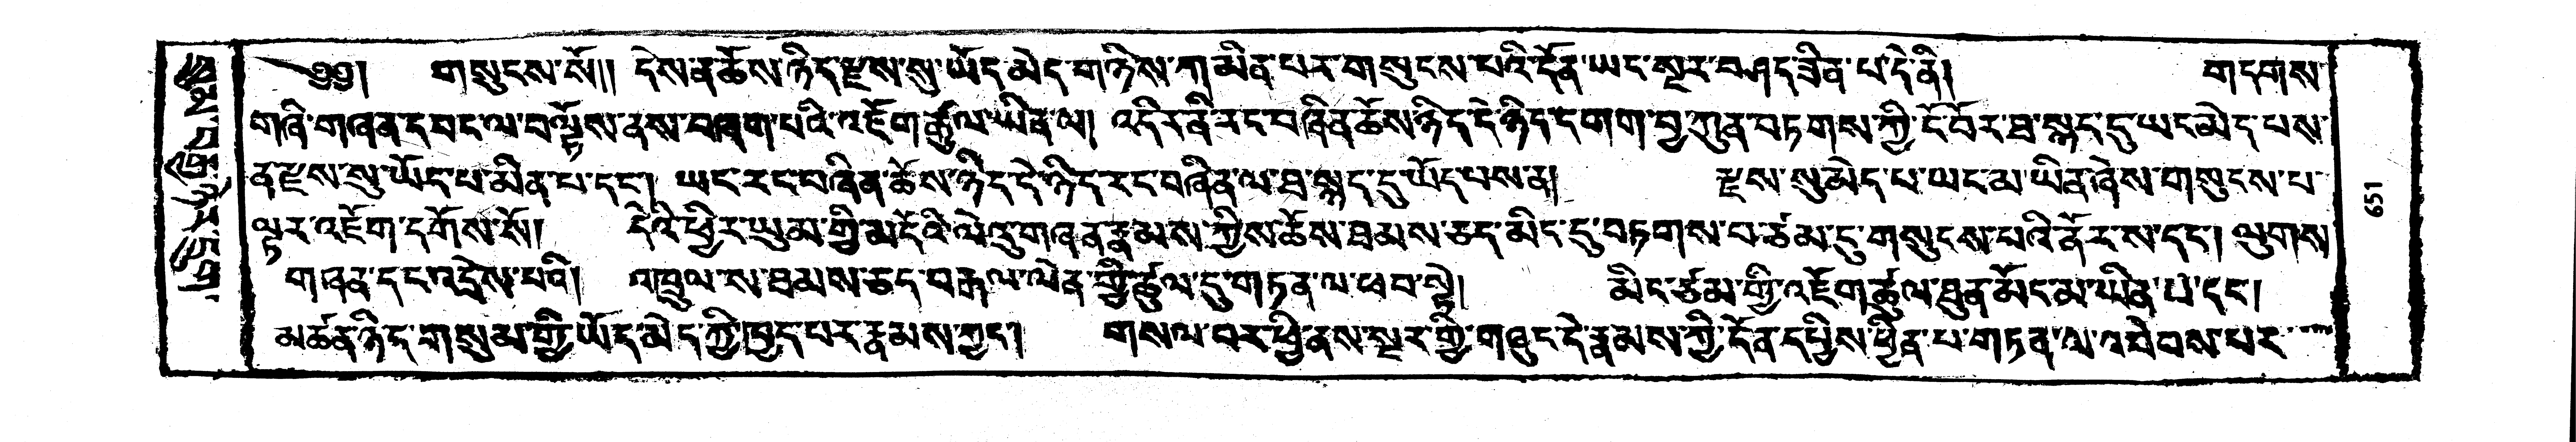༄༅། །གསུངས་སོ། །དེས་ན་ཆོས་ཉིད་རྫས་སུ་ཡོད་མེད་གཉིས་ཀ་མིན་པར་གསུངས་པའི་དོན་ཡང་སྔར་བཤད་ཟིན་པ་དེ་ནི། གདགས་
གཞི་གཞན་དབང་ལ་བལྟོས་ནས་བཞག་པའི་འཇོག་ཚུལ་ཡིན་ལ། འདིར་ནི་རང་བཞིན་ཆོས་ཉིད་དེ་ཉིད་དགག་བྱ་ཀུན་བཏགས་ཀྱི་ངོ་བོར་ཐ་སྙད་དུ་ཡང་མེད་པས་
ན་རྫས་སུ་ཡོད་པ་མིན་པ་དང་། ཡང་རང་བཞིན་ཆོས་ཉིད་དེ་ཉིད་རང་བཞིན་ལ་ཐ་སྙད་དུ་ཡོད་པས་ན། རྫས་སུ་མེད་པ་ཡང་མ་ཡིན་ཞེས་གསུངས་པ་
ལྟར་འཇོག་དགོས་སོ། དེའི་ཕྱིར་ཡུམ་གྱི་མདོའི་ལེའུ་གཞན་རྣམས་ཀྱིས་ཆོས་ཐམས་ཅད་མིང་དུ་བཏགས་པ་ཙམ་དུ་གསུངས་པའི་ནོར་ས་དང་། ལུགས་
གཞན་དང་འདྲེས་པའི། འཁྲུལ་ས་ཐམས་ཅད་བརྒལ་ལེན་གྱི་ཚུལ་དུ་གཏན་ལ་ཕབ་སྟེ། མིང་ཙམ་གྱི་འཇོག་ཚུལ་ཐུན་མོང་མ་ཡིན་པ་དང་།
མཚན་ཉིད་གསུམ་གྱི་ཡོད་མེད་ཀྱི་ཁྱད་པར་རྣམས་ཀྱང་། གསལ་བར་ཕྱི་ནས་སྔར་གྱི་གཞུང་དེ་རྣམས་ཀྱི་དོན་དཔྱིས་ཕྱིན་པ་གཏན་ལ་འབེབས་པར་